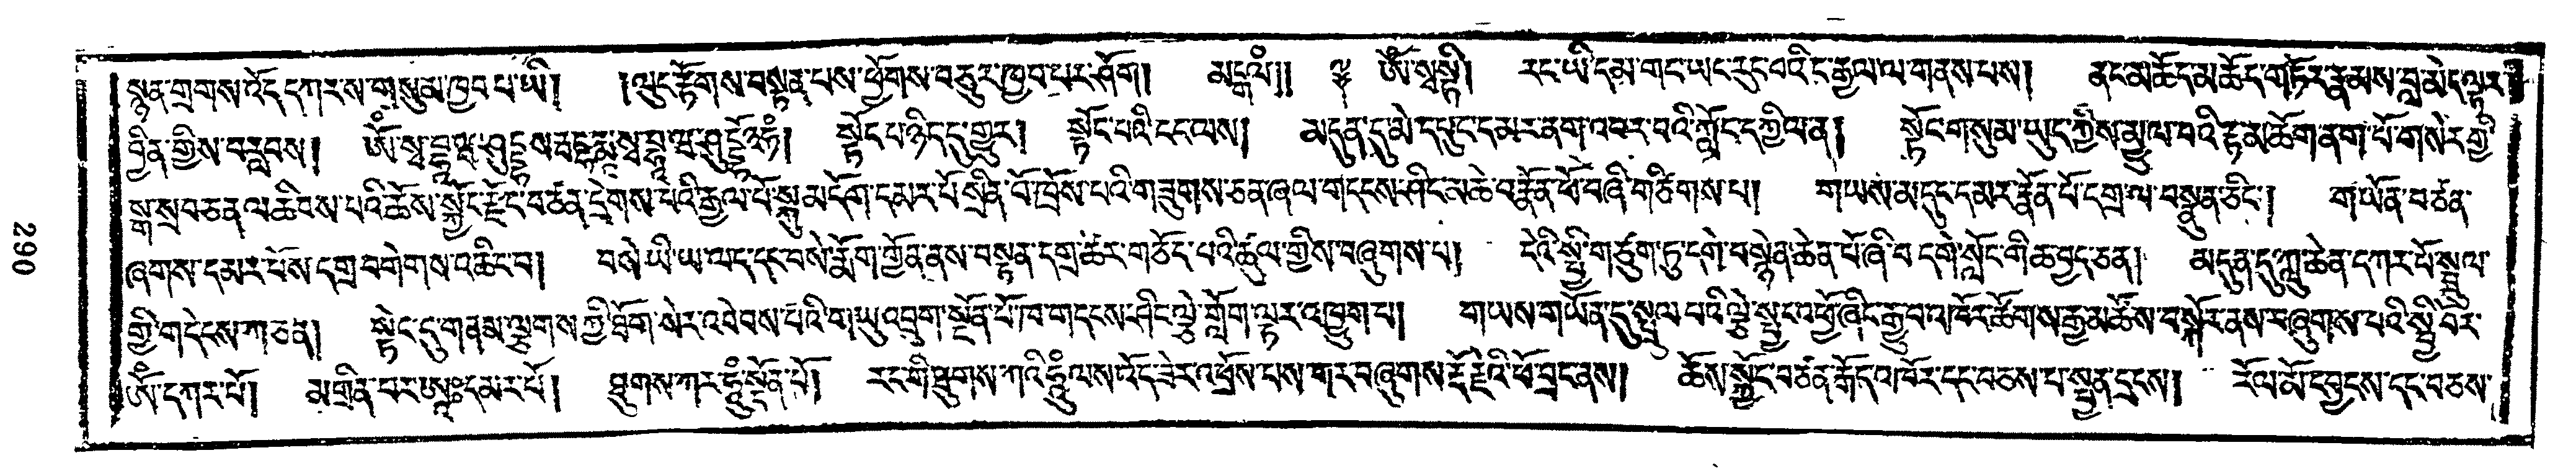སྙན་གྲགས་འོད་དཀར་ས་གསུམ་ཁྱབ་པ་ཡི། །ལུང་རྟོགས་བསྟན་པས་ཕྱོགས་བཅུར་ཁྱབ་པར་ཤོག །མངྒལཾ།། ༈ ཨོཾ་སྭསྟི། རང་ཡི་དམ་གང་ཡང་རུང་བའི་ང་རྒྱལ་ལ་གནས་པས། ནང་མཆོད་མཆོད་གཏོར་རྣམས་བླ་མེད་ལྟར་
བྱིན་གྱིས་བརླབས། ཨོཾ་སྭ་བྷཱ་ཝ་ཤུདྡྷ་སརྦདྷརྨཱ་སྭ་བྷཱ་ཝ་ཤུདྡྷོཉཧཾ། སྟོང་པ་ཉིད་དུ་གྱུར། སྟོང་པའི་ངང་ལས། མདུན་དུ་མེ་དཔུང་དམར་ནག་འབར་བའི་ཀློང་དཀྱིལ་ན། སྟོང་གསུམ་ཡུད་ཀྱིས་མྱུལ་བའི་རྟ་མཆོག་ནག་པོ་གསེར་གྱི་
སྒ་སྲབ་ཅན་ལ་ཆིབས་པའི་ཆོས་སྐྱོང་རྫོང་བ་ཙན་དྲེགས་པའི་རྒྱལ་པོ་སྐུ་མདོག་དམར་པོ་སྲིན་པོ་ཁྲོས་པའི་གཟུགས་ཅན་ཞལ་གདངས་ཤིང་མཆེ་བརྣོན་ཕོ་བཞི་གཙིགས་པ། གཡས་མདུང་དམར་རྣོན་པོ་དགྲ་ལ་བསྣུན་ཅིང་། གཡོན་བཙན་
ཞགས་དམར་པོས་དགྲ་བགེགས་འཆིང་བ། བསེ་ཡི་ཡ་ལད་དང་བསྲེ་རྨོག་གྱོན་ནས་བསྟན་དགྲ་ཚར་གཅོད་པའི་ཚུལ་གྱིས་བཞུགས་པ། དེའི་སྤྱི་གཙུག་ཏུ་དགེ་བསྙེན་ཆེན་པོ་ཞི་བ་དགེ་སློང་གི་ཆ་བྱད་ཅན། མདུན་དུ་ཀླུ་ཆེན་དཀར་པོ་སྤྲུལ་
གྱི་གདེངས་ཀ་ཅན། སྟེང་དུ་གནམ་ལྕགས་ཀྱི་ཐོག་སེར་འབེབས་པའི་གཡུ་འབྲུག་སྔོན་པོ་ཁ་གདངས་ཤིང་ལྕེ་གློག་ལྟར་འཁྱུག་པ། གཡས་གཡོན་དུ་སྤྲུལ་པའི་ལྕེ་སྦྱང་འཕྱོ་ཞིང་རྒྱུ་བ་འཁོར་ཚོགས་རྒྱ་མཚོས་བསྐོར་ནས་བཞུགས་པའི་སྤྱི་བོར་
ཨོཾ་དཀར་པོ། མགྲིན་པར་ཨཱཿདམར་པོ། ཐུགས་ཀར་ཧཱུཾ་སྔོན་པོ། རང་གི་ཐུགས་ཀའི་ཧཱུཾ་ལས་འོད་ཟེར་འཕྲོས་པས་གར་བཞུགས་རྡོ་རྗེའི་ཕོ་བྲང་ནས། ཆོས་སྐྱོང་བཙན་རྒོད་འཁོར་དང་བཅས་པ་སྤྱན་དྲངས། རོལ་མོ་དབྱངས་དང་བཅས་